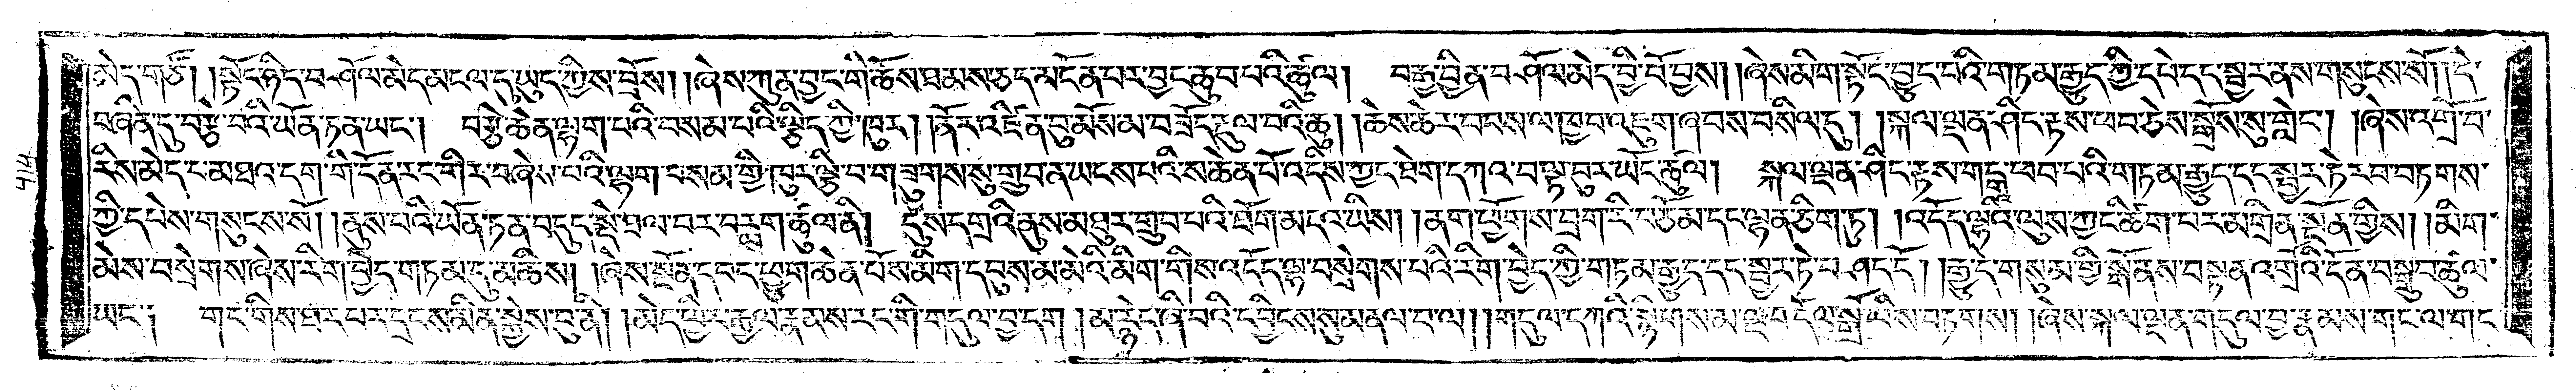མེད་གཙོ། །སྟོང་ཉིད་བཤོལ་མེད་མངལ་དུ་ཡུད་ཀྱིས་བྲོས། །ཞེས་ཀུན་བྱང་གི་ཆོས་ཐམས་ཅད་མངོན་པར་བྱང་ཆུབ་པའི་ཚུལ། བརྒྱ་བྱིན་བཤོལ་མེད་བྱི་བོ་བྱས། །ཞེས་མིག་སྟོང་བྱུང་བའི་གཏམ་རྒྱུད་ཀྱི་དཔེ་དང་སྦྱར་ནས་གསུངས་སོ། །དེ་
བཞིན་དུ་བརྩེ་བའི་ཡོན་ཏན་ཡང་། བརྩེ་ཆེན་ལྷག་པའི་བསམ་པའི་ལྕིད་ཀྱི་ཁུར། །ནོར་འཛིན་བུ་མོས་མ་བཟོད་རྡུལ་བའི་ཆུ། །ཆེས་ཆེར་བབས་ལ་ཁྱབ་འཇུག་ཞབས་བསིལ་དུ། །སྐལ་ལྡན་ཤིང་རྟས་ཕབ་ཅེས་སྒྲོས་སུ་གླེང་། །ཞེས་འགྲོ་བ་
རིས་མེད་པ་མཐའ་དག་གི་དོན་རང་གིར་བཞེས་པའི་ལྷག་བསམ་གྱི་ཁུར་ལྕི་བ་གཟུགས་སུ་གྲུབ་ན་ཡངས་པའི་ས་ཆེན་པོ་འདིས་ཀྱང་ཐེག་དཀའ་བ་ལྟ་བུར་ཡོང་ཚུལ། སྐལ་ལྔན་ཤིང་རྟས་གངྒཱ་ཕབ་པའི་གཏམ་རྒྱུད་དད་སྦྱར་ཏེ་རབ་བཏགས་
ཀྱི་དཔེས་གསུངས་སོ། །ནུས་པའི་ཡོན་ཏན་བདུད་སྡེ་ཐལ་བར་བརླག་ཚུལ་ནི། དུས་དགྲའི་ནུས་མཐུང་གྲུབ་པའི་ཐོག་མངའ་ཡིས། །ནག་ཕྱོགས་བྲག་རི་བཅོམ་དང་ལྷན་ཅིག་ཏུ། །འདོད་ལྷའི་ལུས་ཀྱང་ཚིག་པར་མགྲིན་སྔོན་གྱིས། །མིག་
མེས་བསྲེགས་ཞེས་རིག་བྱེད་གཏམ་དུ་མཆིས། །ཞེས་སྔོན་དབང་ཕྱུགས་ཆེན་བོས་མིག་དབུས་མ་མེའི་མིག་གིས་འདོད་ལྷ་བསྲེགས་པའི་རིག་བྱེད་ཀྱི་གཏམ་རྒྱུད་དང་སྦྱར་ཏེ་བཤད་དོ། །རྒྱུ་དེ་གསུམ་གྱི་སྒོ་ནས་བསྟན་འགྲོའི་དོན་བསྒྲུབ་ཚུལ་
ཡང༑ གང་གིས་ཐར་པར་དྲངས་མིན་སྐྱེས་བུ་ནི། །མེད་ཕྱིར་རྒྱལ་རྣམས་རང་གི་གདུལ་བྱ་དག །མ་རྙེད་ཞི་བའི་དབྱིངས་སུ་མནལ་བ་ལ། །གདུལ་དཀའི་སྙིགས་མ་ལྔ་བདོ་སྒྲོ་ཡིས་བཏགས། །ཞེས་སྐལ་ལྡན་གདུལ་བྱ་རྣམས་གང་ལ་གང་